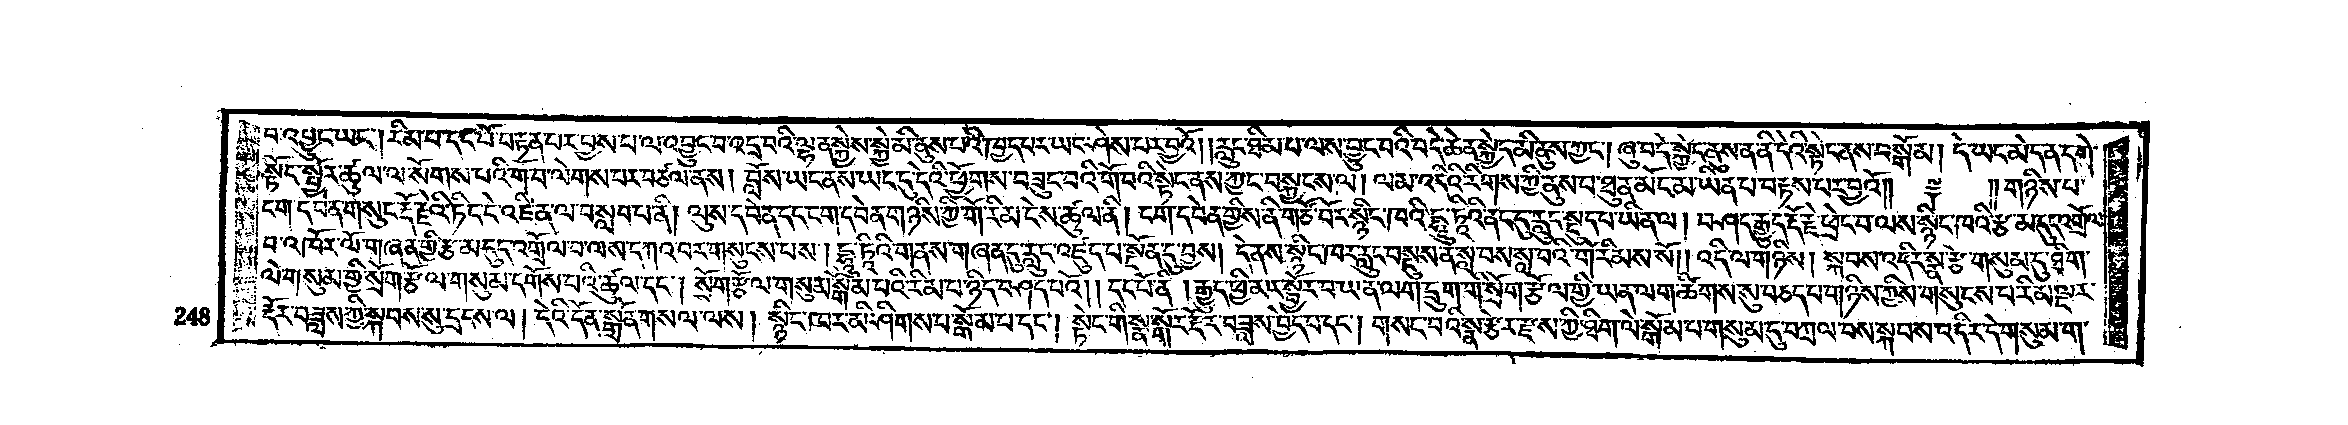བ་འབྱུང་ཡང་། རིམ་པ་དང་པོ་བརྟན་པར་བྱས་པ་ལ་འབྱུང་བ་འདྲ་བའི་ལྷན་སྐྱེས་སྐྱེ་མི་ནུས་པའི་ཁྱད་པར་ཡང་ཤེས་པར་བྱའོ། །རླུང་ཐིམ་པ་ལས་བྱུང་བའི་བདེ་ཆེན་སྐྱེད་མི་ནུས་ཀྱང་། ཞུ་བདེ་སྐྱེད་ནུས་ན་ནི་དེའི་སྟེང་ནས་བསྒོམ། དེ་ཡང་མེད་ན་བདེ་
སྟོང་སྦྱོར་ཚུལ་ལ་སོགས་པའི་གོ་བ་ལེགས་པར་བཙལ་ནས། བློས་ཡང་ནས་ཡང་དུ་དེའི་ཕྱོགས་བཟུང་བའི་གོ་བའི་སྟེང་ནས་ཀྱང་བསྐྱངས་ལ། ལམ་འདིའི་རིགས་ཀྱི་ནུས་པ་ཐུན་མོང་མ་ཡིན་པ་བརྟས་པར་བྱའོ།། ༈ །།གཉིས་པ་
ངག་དབེན་གསུང་རྡོ་རྗེའི་ཏིང་ངེ་འཛིན་ལ་བསླབ་པ་ནི། ལུས་དབེན་དང་ངག་དབེན་གཉིས་ཀྱི་གོ་རིམ་ངེས་ཚུལ་ནི། ངག་དབེན་གྱིས་ནི་གཙོ་བོར་སྙིང་ཁའི་དྷཱུ་ཏཱིའི་ནང་དུ་རླུང་སྡུད་པ་ཡིན་ལ། བཤད་རྒྱུད་རྡོ་རྗེ་ཕྲེང་བ་ལས་སྙིང་ཁའི་རྩ་མདུད་འགྲོལ་
བ་འཁོར་ལོ་གཞན་གྱི་རྩ་མདུད་འགྲོལ་བ་ལས་དཀའ་བར་གསུངས་པས། དྷཱུ་ཏཱིའི་གནས་གཞན་དུ་རླུང་འཛུད་པ་སྔོན་དུ་བྱས། དེ་ནས་སྙིང་ཁར་རླུང་བསྡུས་ན་སླ་བས་སླ་པའི་གོ་རིམས་སོ། །འདི་ལ་གཉིས། སྐབས་འདིར་སྣ་རྩེ་གསུམ་དུ་ཐིག་
ལེ་གསུམ་གྱི་སྲོག་རྩོལ་གསུམ་དགོས་པའི་ཚུལ་དང་། སྲོག་རྩོལ་གསུམ་སྒོམ་པའི་རིམ་པ་ཉིད་བཤད་པའོ། །དང་པོ་ནི། རྒྱུད་ཕྱི་མར་སྦྱོར་བ་ཡན་ལག་དྲུག་གི་སྲོག་རྩོལ་གྱི་ཡན་ལག་ཚིགས་སུ་བཅད་པ་གཉིས་ཀྱིས་གསུངས་པ་རིམ་ལྔར་
རྡོར་བཟླས་ཀྱི་སྐབས་སུ་དྲངས་ལ། དེའི་དོན་སྒྲོན་གསལ་ལས། སྙིང་ཁར་མི་ཤིགས་པ་སྒོམ་པ་དང་། སྟེང་གི་སྣ་སྒོར་རྡོར་བཟླས་བྱེད་པ་དང་། གསང་བའི་སྣ་རྩེར་རྫས་ཀྱི་ཐིག་ལེ་སྒོམ་པ་གསུམ་དུ་བཀྲལ་བས་སྐབས་འདིར་དེ་གསུམ་ག་